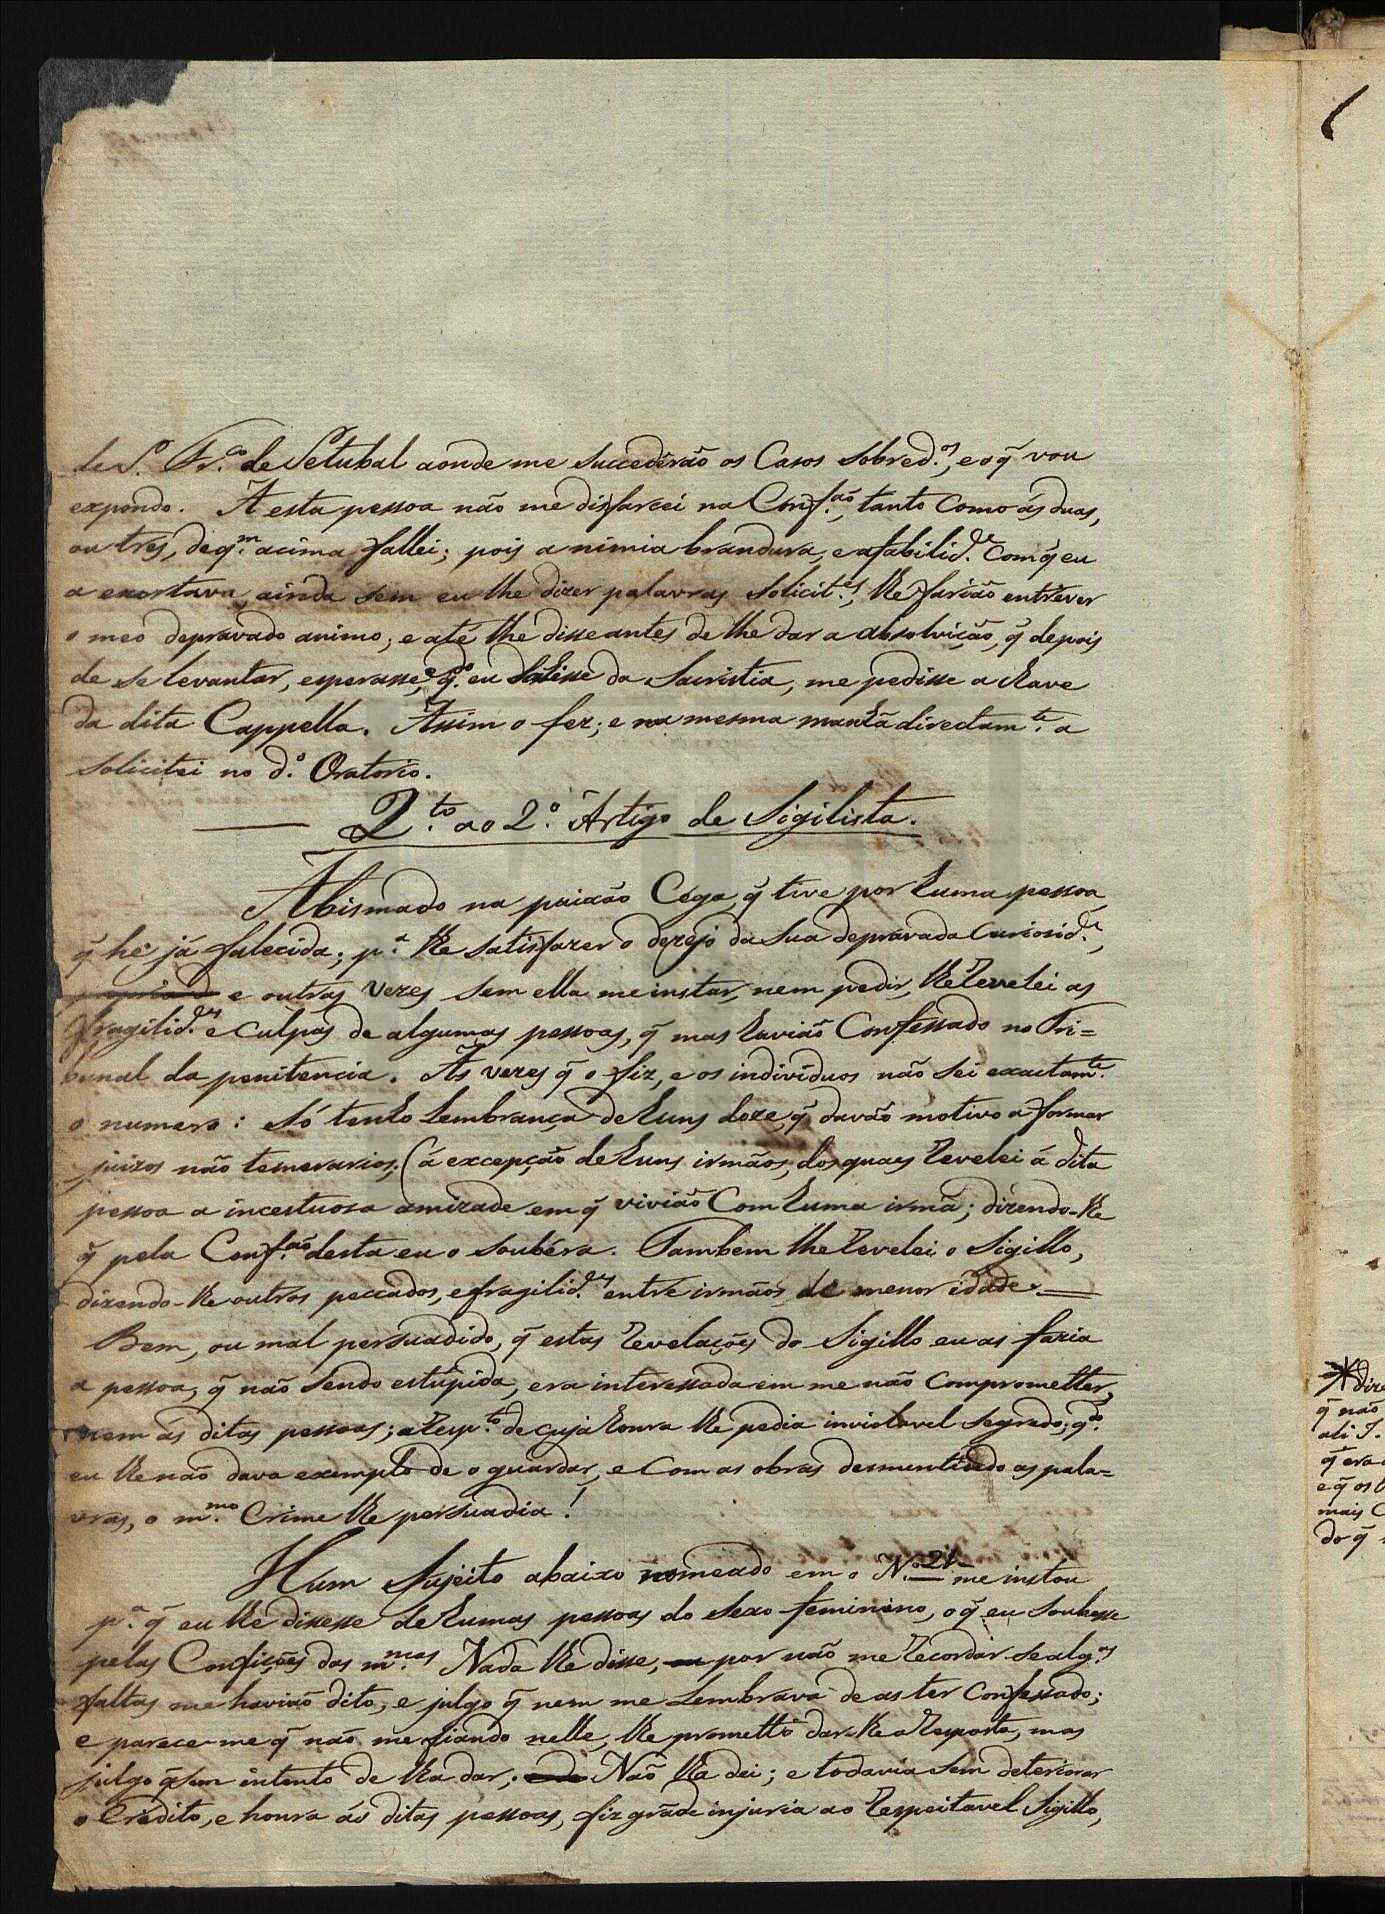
de S. Fr.co de Setubal aonde me succedêraõ os Casos sobred.os, e q̄ vou
expondo. Ã esta pessoa naõ me disfarcei na Conf.aõ, tanto como ás duas,
ou tres, de q.m acima fallei; pois a nimia brandura, e afabilid.e com q̄ eu
a exortava, ainda sem eu lhe dizer palavras solicit.es, lhe fariaõ entrever
o meo depravado animo, e até lhe disse antes de lhe dar a absolviçaõ, q̄ depois
de se levantar, esperasse e q.do eu sahisse da Sacristia, me pedisse a chave
da dita Cappella. Assim o fez; e na mesma manhã directam.te a
solicitei no d.o Oratorio.
Q.to ao 2º Artigo de Sigilista.
Abismado na paixaõ Céga q̄ tive por huma pessoa,
q̄ he já falecida; p.a lhe satisfazer o dezejo da sua depravada curiozid.e,
e outras vezes sem ella me instar, nem pedir, lhe revelei as
fragilid.es e culpas de algumas pessoas, q̄ mas haviaõ confessado no Tri
bunal da penitencia. As vezes q̄ o fiz, e os individuos naõ sei exactam.te
o numero: só tenho lembrança de huns doze, q̄ davaõ motivo a formar
juizos naõ temerarios; (á excepçaõ de huns irmaõs, dos quaes revelei á dita
pessoa a incestuoza amizade em q̄ viviaõ com huma irmã; dizendo-lhe
q̄ pela Conf.aõ desta eu o soubéra. Tambem lhe revelei o sigillo,
dizendo-lhe outros peccados, e fragilid.es entre irmaõs de menor idade.
Bem, ou mal persuadido, q̄ estas revelações do Sigillo eu as fazia
a pessoa, q̄ naõ sendo estúpida, era interessada em me naõ comprometter,
nem as ditas pessoas; a resp.to de cuja honra lhe pedia inviolavel segredo; q.do
eu lhe naõ dava exemplo de o guardar, e com as obras desementindo as pala
vras, o m.mo crime lhe persuadia!
Hum sujeito abaixo nomeado em o Nº 21 me instou
p.a q̄ eu lhe dissesse de humas pessoas do sexo feminino, o q̄ eu soubesse
pelas Confições das m.mas Nada lhe disse, _ por naõ me recordar se alg.as
faltas me haviaõ dito, e julgo q̄ nem me lembrava de as ter confessado;
e parece-me q̄ naõ me fiando nelle, lhe prometti dar-lhe a Resposta, mas
julgo q̄ sem intento de lha dar; _ Naõ lha dei; e todavia sem deteriorar
o credito, e honra ás ditas pessoas, fiz grāde injuria ao Respeitavel Sigillo,
